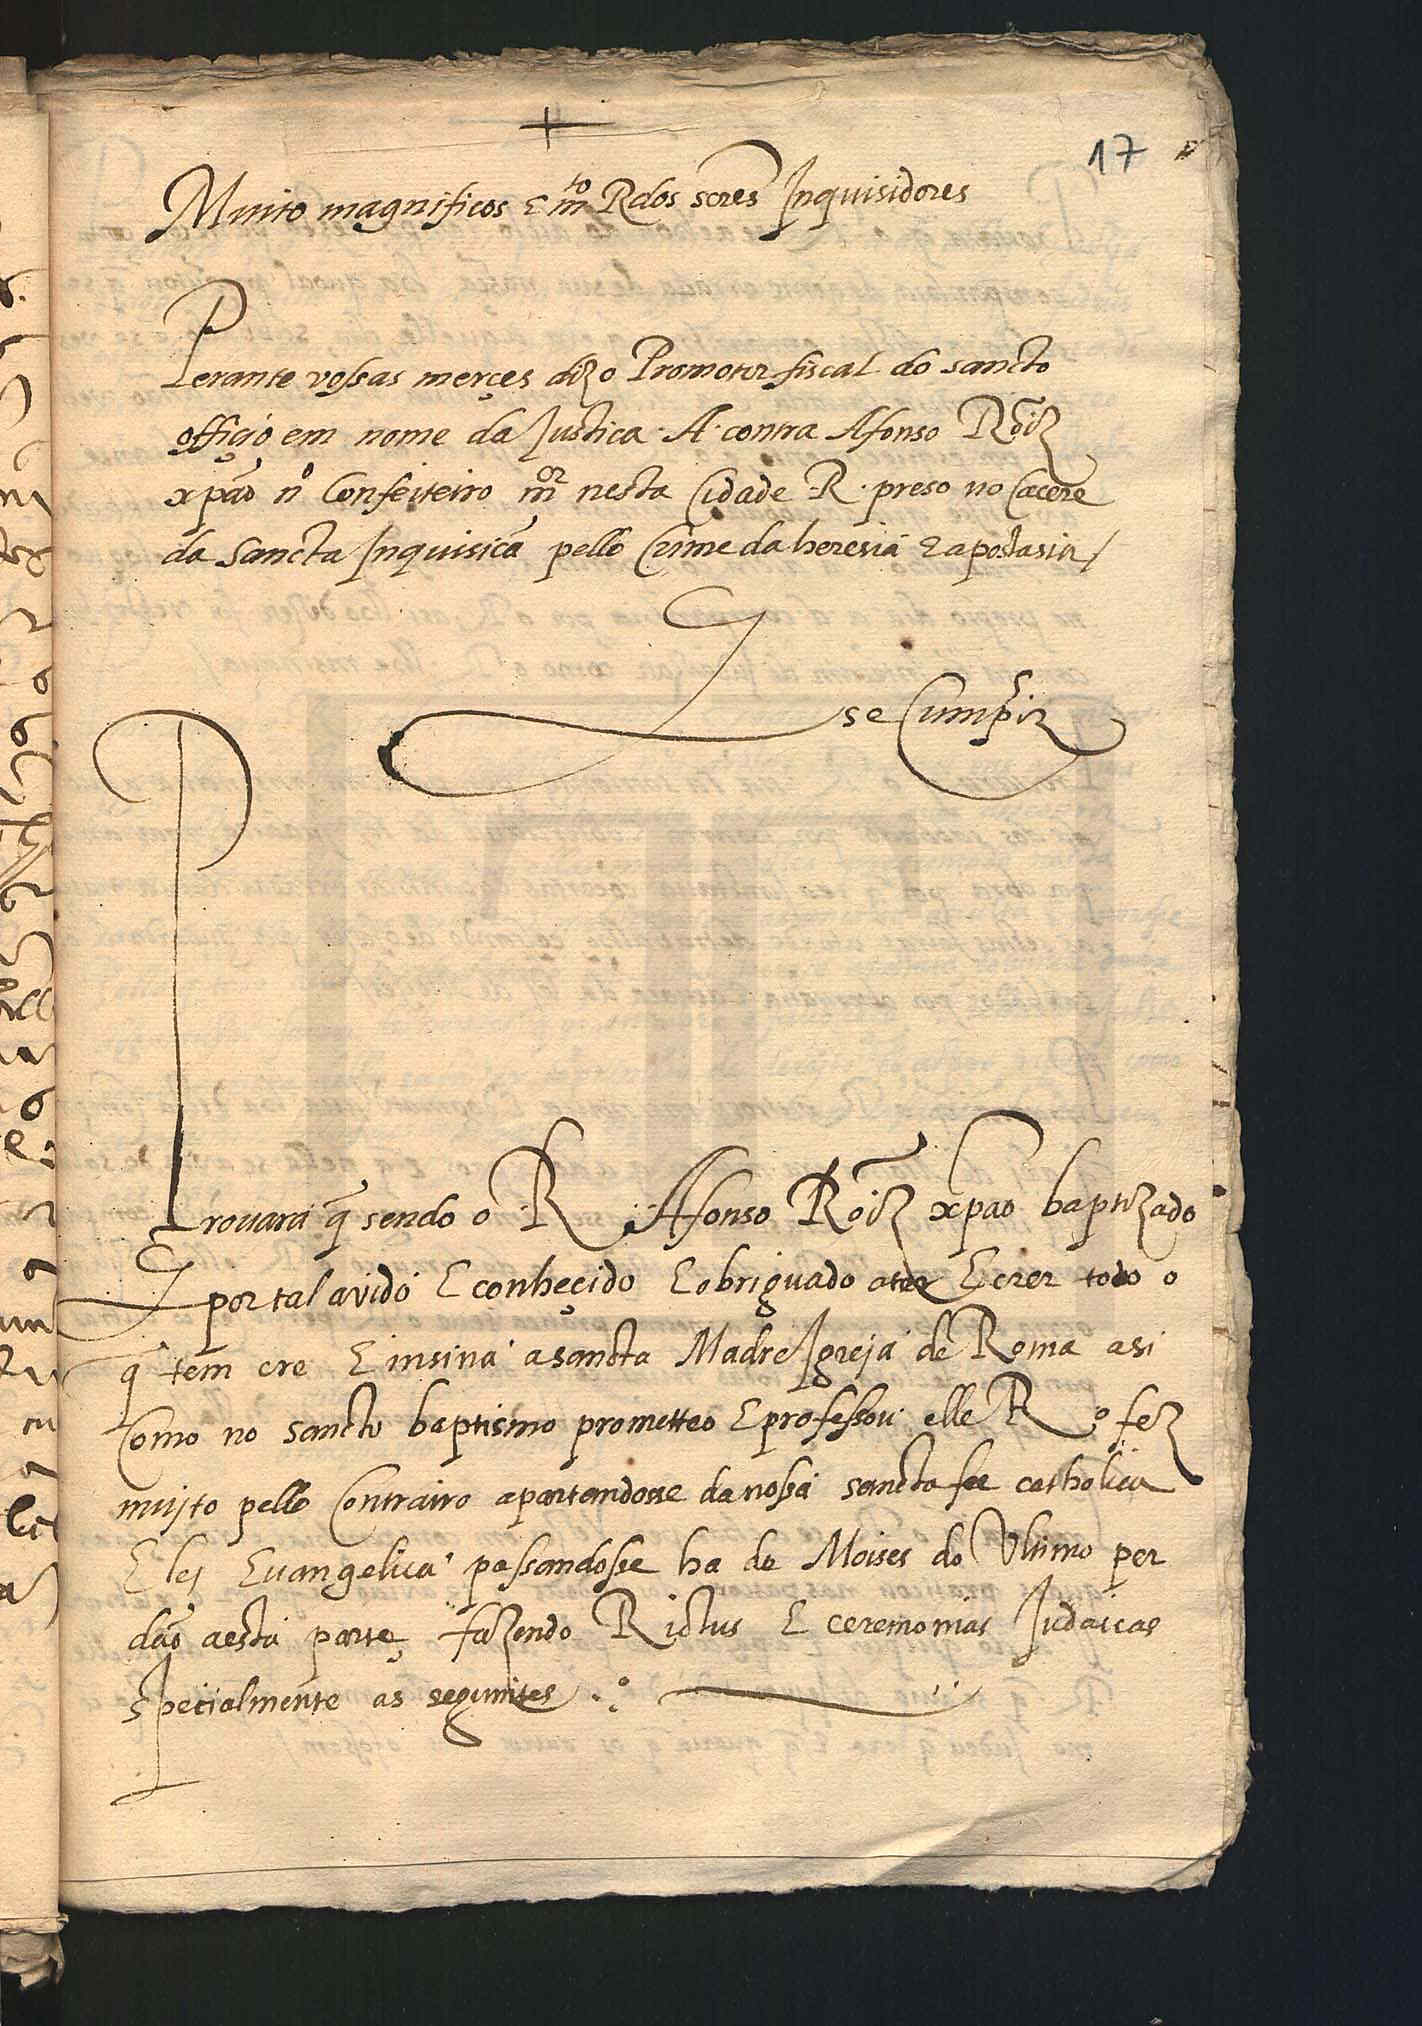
Muito magnificos E mto Rdos s̅ores Jnquisidores
Perante vossas merçes diz o Promotor fiscal do sancto
offiçio em nome da Justica .A. contra Afonso Ro̅iz
xpão no Confeiteiro mor nesta Cidade .R. preso Cacere
da Sancta Jnquisica̅ pello Crime da heresia E apostasia /
se Cump̄ir
rouara q̅ sendo o .R. Afonso Ro̅iz xpão baptizado
E por tal avido E conheçido E obriguado a ter E crer todo o
q̄ tem cre E insina a sancta Madre Jgreja de Roma asi
Como no sancto baptismo prometteo E professou elle R o fez
mujto pello Contrairo apartandosse da nossa sancta fee catholica
E lej Euangelica passandosse ha de Moises do Vltimo per
daõ a esta parte, fazendo Rictus E ceremonias Judaicas
specialmente as seguintes:
